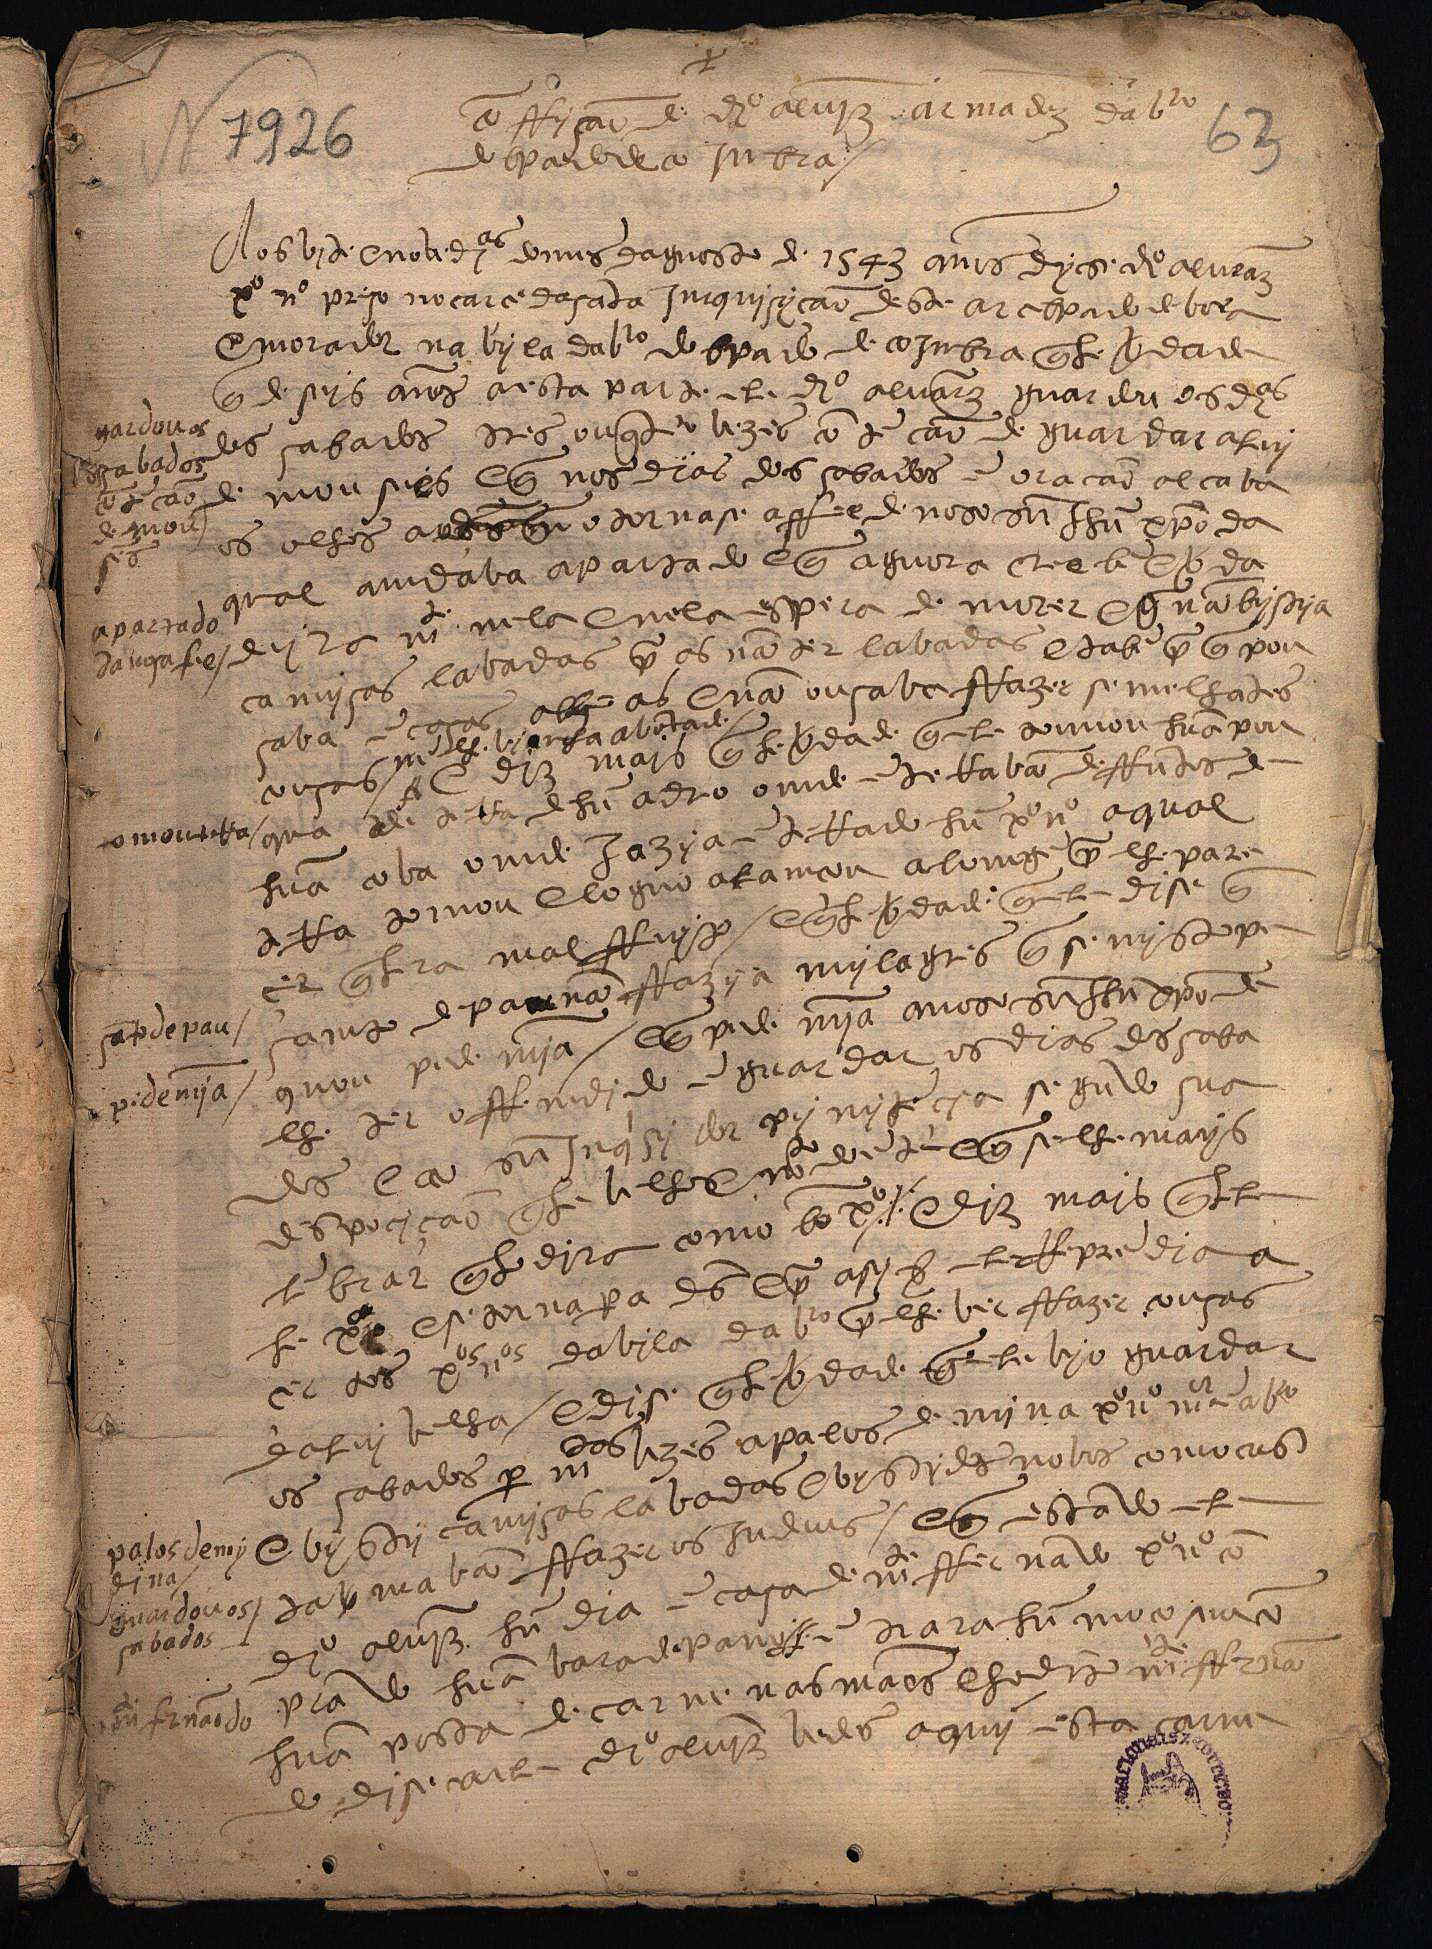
c̄offysão de djo al̄urz armadez davro
do bpado de coJnbra ./
Aos vjte e nove djas do mes daguosto de 1543 an̄os dyse dio alur̄az
xo no preso no carçe da sata Jmqujsyção deste arcebpado devora
e morador na vyla davro do bpado de coJnbra q̄ he ꝟdade
q̄ de sejs an̄os a esta parte ele dio aluārz guardou os djas
dos sabados tres ou q̄tro vezes cō tēção de guardar a Ley
de mousees e q̄ nos dias dos sabados ē oracão alçava
os olhos aods̄q̄ o tornase a ffee de noso sōr Jhū xp̄o da
qual amdava apartado e q̄ aguora cree bē e ꝟda
dejramte nela e nela espera de morer e q̄ não vystya
camysas lavadas p̄o as não ter lavadas e tabē p̄o q̄ pou
sava ē casas alheas e não ousava ffazer semelhates
cousas
nē lhe vjnha a vōtade /
e diz majs q̄ he ꝟdade q̄ ele tomou huā pou
qua _de teRa de hū adro omde ēteRavão deffūtos de
huā cova omde Jazya ēteRado hū xo no a qual
teRa tomou eloguo a lamçou a lomgē p̄o lhe pare
çer q̄ hera mal ffeyto / e q̄ he ꝟdade q̄ ele dise q̄
samto de pao não ffazya mylagres q̄ se nysto pe
quou pede m̄ja / e q̄ pede m̄ja a noso sōr Jhū xpō de
lhe ter offemdjdo ē guardar os dias dos saba
dos e ao sōr Jnqisydor pynytēcya segūdo sua
despocyção q̄ he velho e mto doēte e q̄ se lhe mays
lēbrar q̄ ho djra como b̄o xo ./. e djz majs q̄ ele
he xop e se torna ꝑa ds̄ e p̄o asy ꞩ ele Reprēdia a
çertos xos nos da vjla davro p̄o lhe ver ffazer cousas
da Ley velha / e dise q̄ he ꝟdade q̄ ele vyo guardar
os sabados ꝑ mtas vezes a palos de mjna xo no mor ē avro
e vysty camjsas lavadas e vystydos novos como cus
tavmavão ffazer os Judeus / e q̄ estādo ele
djo alur̄z hū dia ē casa de mte ffernādo xo no cō
prādo huā vara de panos//. ētrara hū moço seu c̄o
huā posta de carne nas mãos e ho dito mte ffernā
do djse a ele djo alur̄z vedes aquy esta carne
